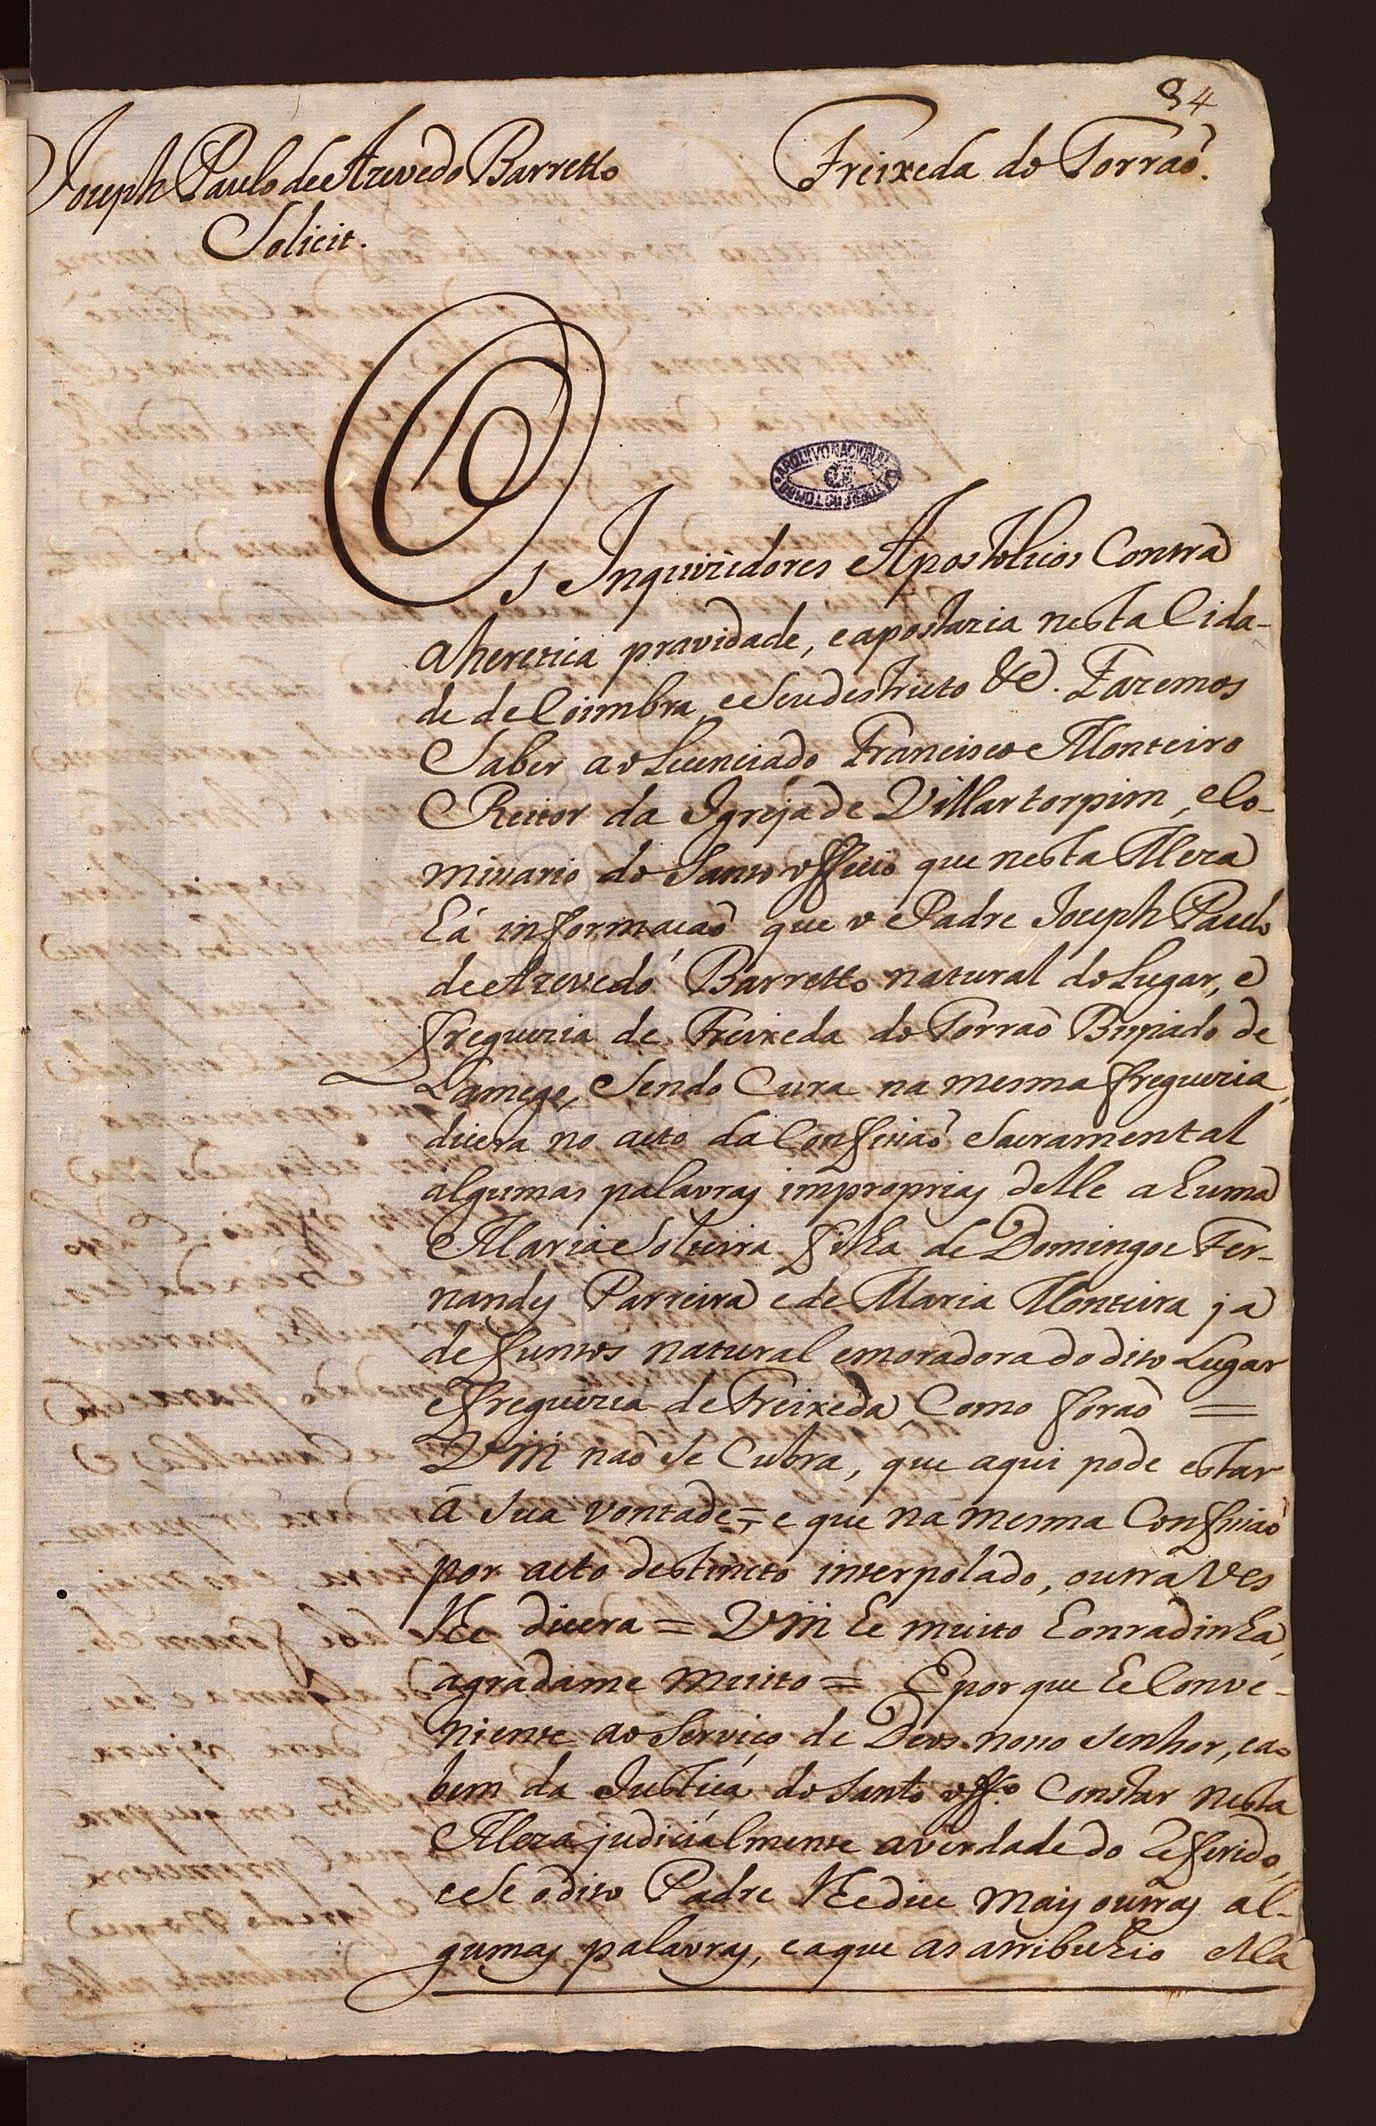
Freixeda do Torraõ
Iozeph Paulo de Azevedo Barretto
Solicit.
Os Inquizidores Apostolicos Contra
a heretica pravidade, e apostazia nesta Cida
de de Coimbra, e Seu destricto &e. Fazemos
Saber ao Licenciado Francisco Monteiro
Reitor da Igreja de Villar torpim, e Co
missario do Santo officio que nesta Meza
há informaçaõ que o Padre Iozeph Paulo
de Azevedo Barretto natural do Lugar, e
freguezia de Freixeda do Torraõ Bispado de
Lamego, Sendo Cura na mesma freguezia
dicera no acto da Confissaõ Sacramental
algumas palavras improprias delle a huma
Maria Solteira filha de Domingos Fer
nandes Parreira e de Maria Monteira ja
defuntos natural e moradora do dito Lugar
e freguezia de Freixeda, Como foraõ
V M naõ se Cubra, que aqui pode estar
á sua vontade = e que na mesma Confissaõ
por acto destincto interpolado, outra ves
lha dicera = VM he muito honradinha,
agradame muito = E porque he Conve
niente ao Serviço de Deos nosso senhor, e a
bem da Iustiça do santo off.o Constar nesta
Meza judicialmente a verdade do Referido,
e Se o dito Padre lhe dice mais outras al
gumas palavras, e a que as atribuhio ella
